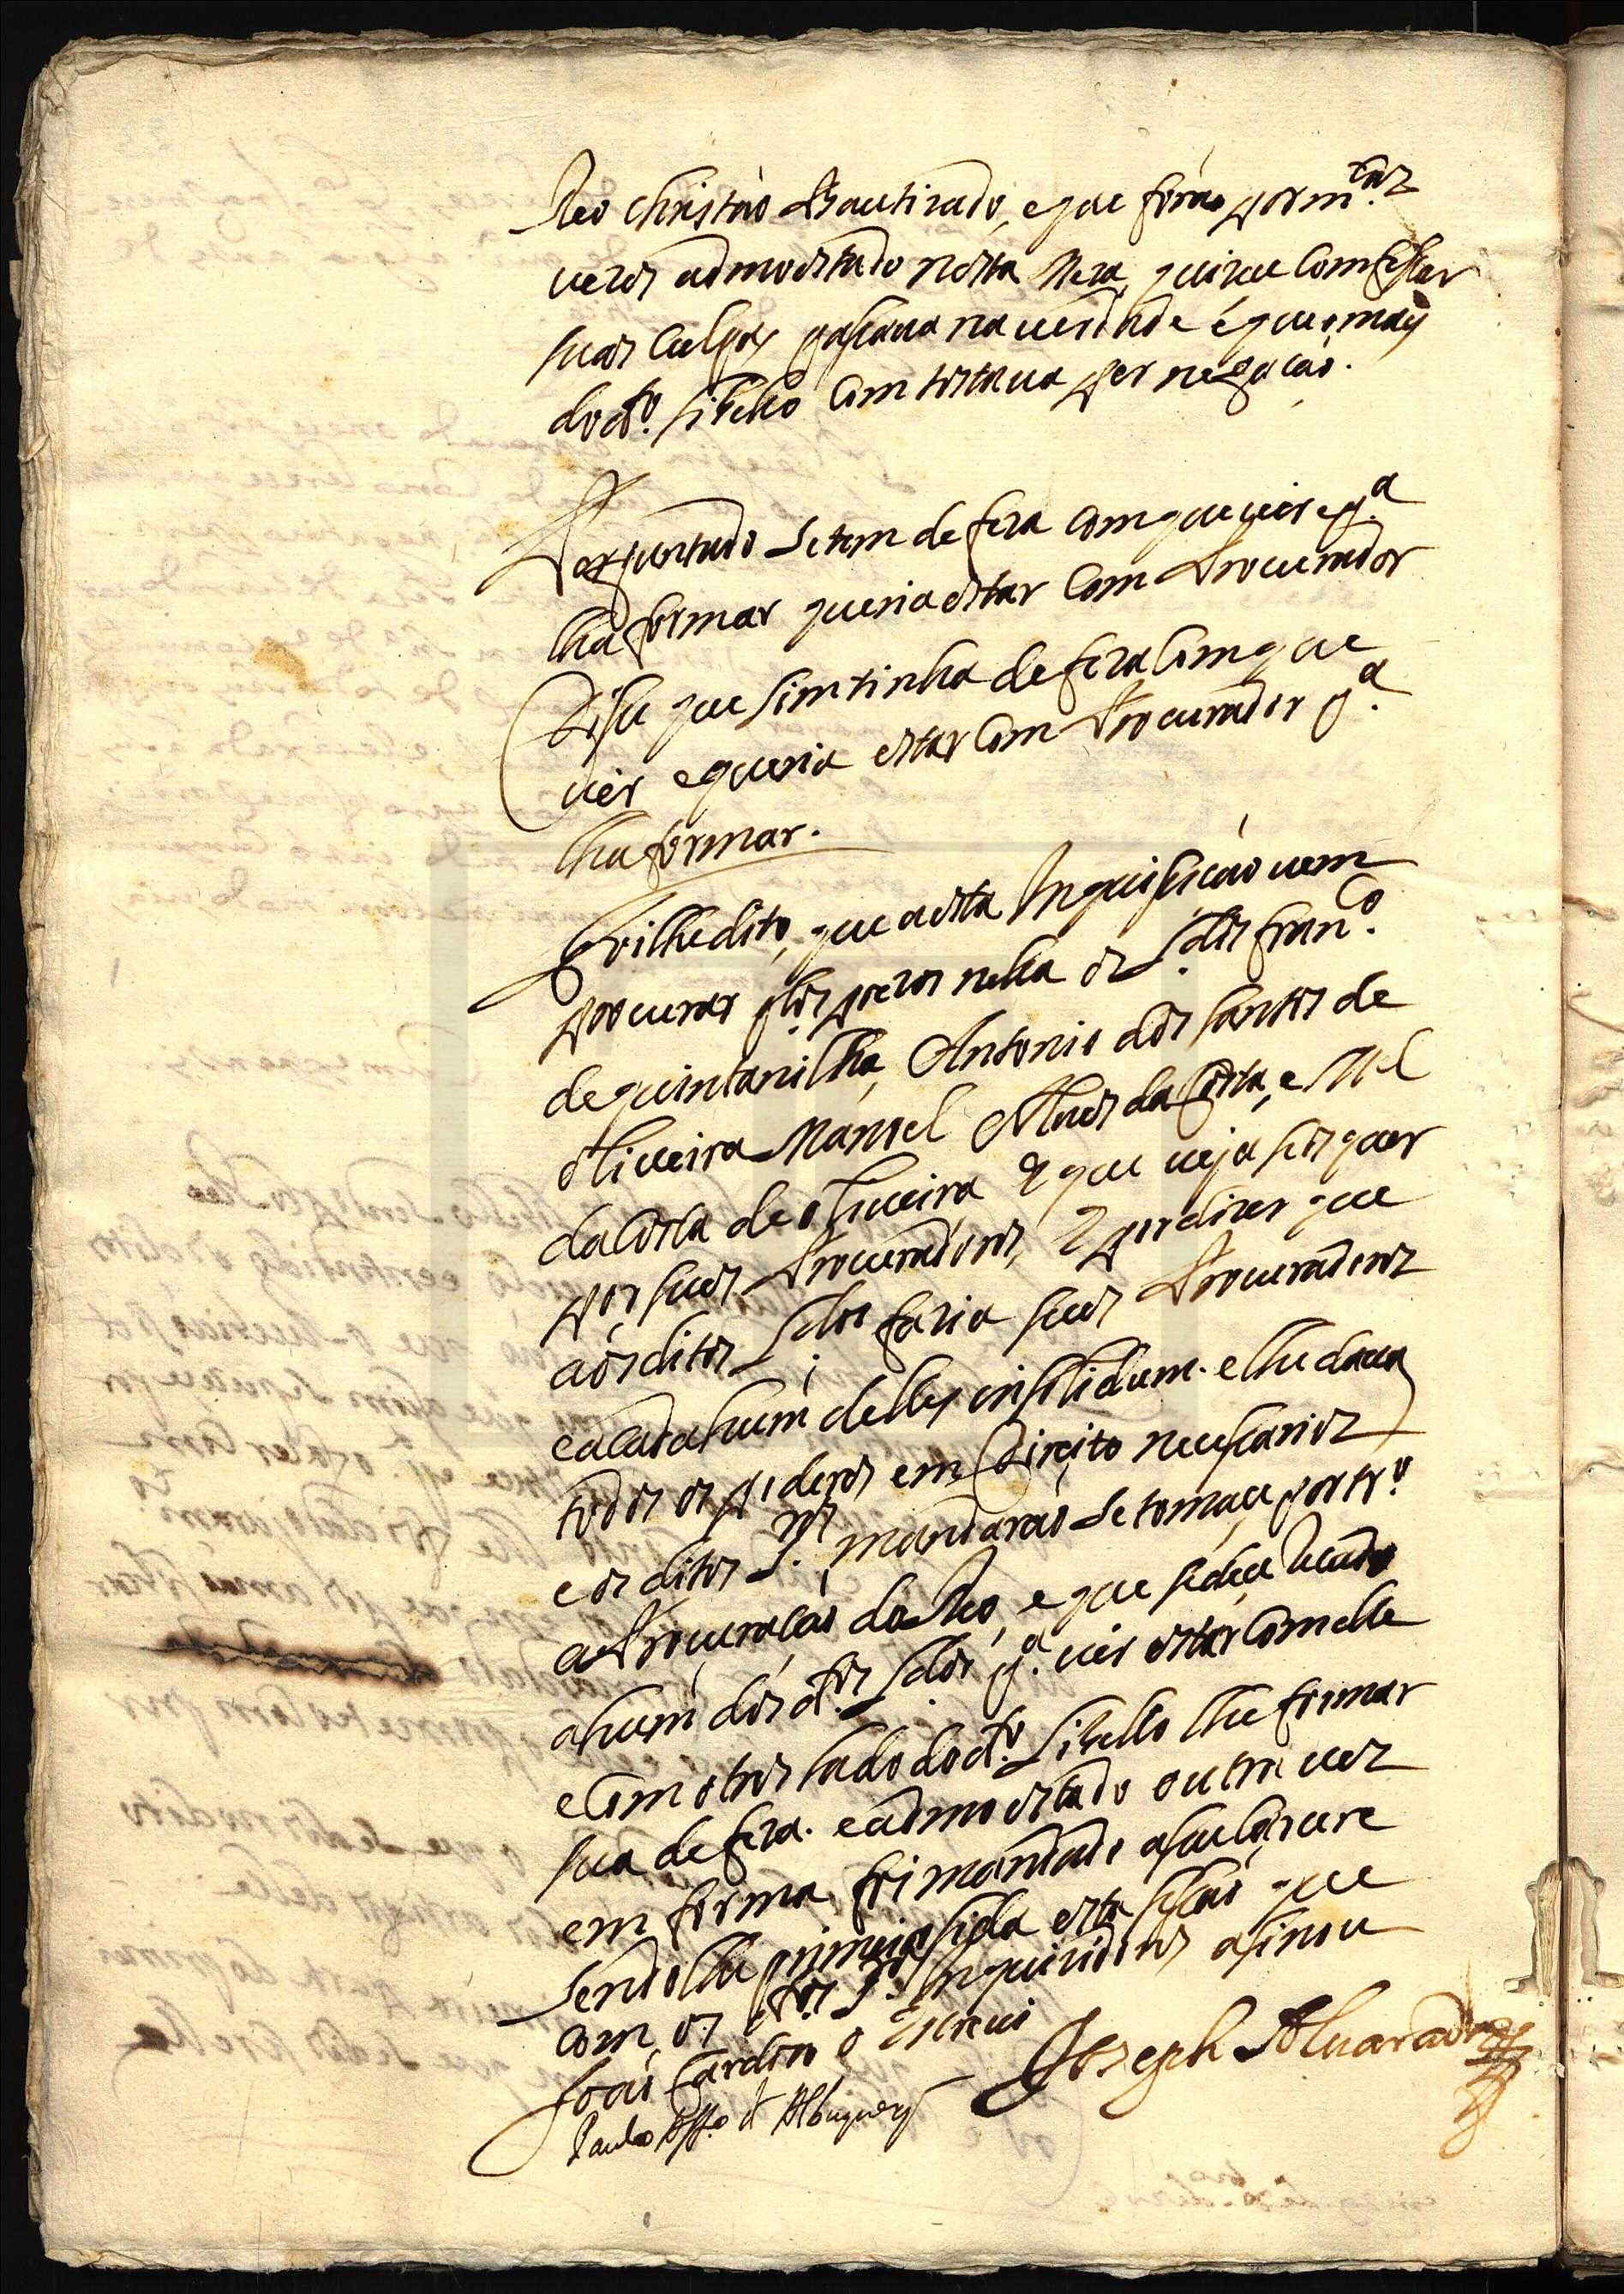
Reo christaõ Bautizado, e que forão por m.tas
uezes admoestado nesta Meza, quizeçe comfessar
suas culpas passaua na uerdade é que o mais
do d̄.o Libelo comtestaua por negaçaõ.
Perguntado se tem defeza com que uir e pa.
lha formar queria estar com o Procurador
Disse que sim tinha defeza Com que
uir e queria estar com Procurador p.a
lha formar.
Foilhe dito, que a esta Inquisiçaõ uem
procurar plos prezos nella os L.dos fran.co
de quintanilha, Antonio dos santos de
oliueira Manoel Alues da Costa, e Mel
da costa de oliueira E que ueja se os quer
por seos Procuradores, E por dizer que
aós ditos L.dos fazia seos Procuradores
e a cada hum delles in solidum. e lhe daua
todos os poderes em Direito necessarioz
e os ditos S.res mandaraõ se tomaçe por tr.o
a Procuraçaõ do Reo, e que se deçe Recado
a hum dos d̄.os Ld.os pa. uir estar Com elle
e com o treslado do d̄.to Libello lhe formar
sua defeza. e admoestado outra uez
em forma foi mandado a seu Carcere
sendolhe primeiro Lida esta sessaõ que
com os d̄o.s S.res Inquizidores asinou
Joaõ Cardozo o Escreui
Paulo Aff.o d̄ Albuquerq̄
Joseph Aluarado
